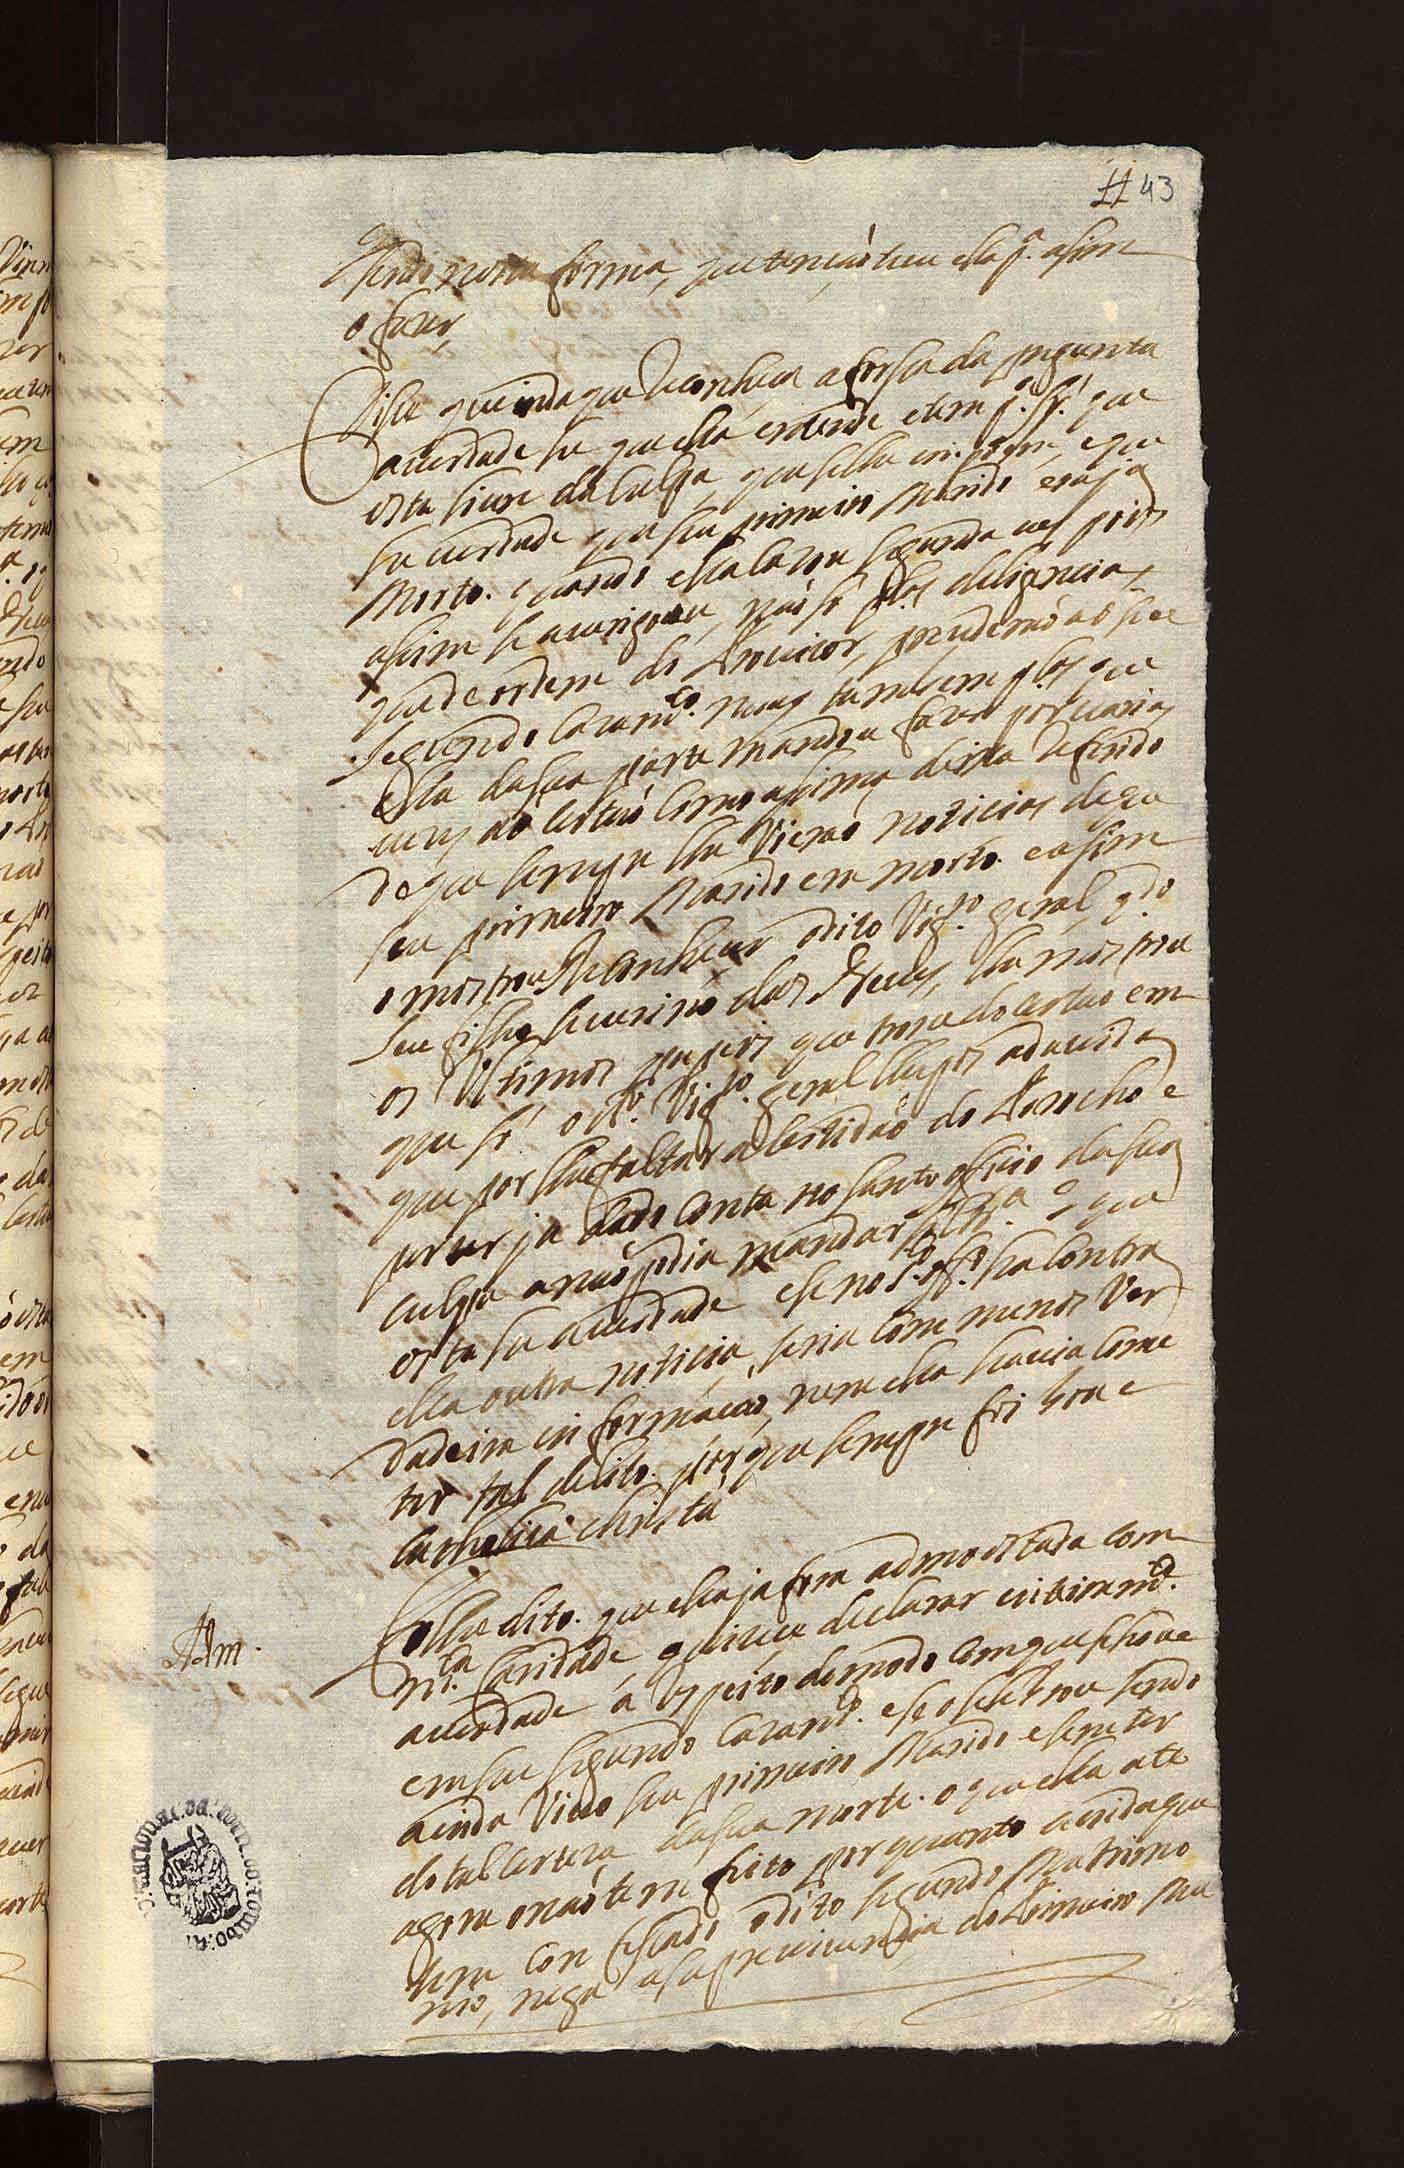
E sendo nesta forma, que tençaõ teue ela p.a asim
o fazer,
Disse que inda que Reconheça a forssa da pregunta
a uerdade he que ella entende e tem p.a sy. que
esta liure da culpa, que se lhe impom, e que
he uerdade que seu primeiro marido era ja
morto. quando ella cazou segunda ues pois
assim se auerigoou, naõ só p.las deligencias
que de ordem do Prouizor, prenderaõ ao seu
segundo Cazam.to mas tambem p.las que
ella da sua parte mandou fazer por uarias
uezes ao certaõ como assima deixa Referido
de que sempre lhe vieraõ noticias de que
seu primeiro marido era morto. e asim
o mostrou Reconhecer o dito Vig.ro geral, q.do
seu filho seuerino das Neues, lha mostrou
os Vltimos papeis que trosce do certaõ em
que só o d̄o. Vig.ro geral lhe pos a duuida
que por lhe faltar a certidaõ do Parocho e
por ter ja dado conta no santo officio da sua
culpa a naõ podia mandar soltr.a E que
esta he a uerdade e se no s.to off.o ha contra
ella outra noticia, seria com menos ver
dadeira informaçaõ, nem ella hauia come
ter tal delito; porque sempre foi boa e
catholica christã
Foi lhe dito que ella ja fora admoestada com
m.ta caridade quizece declarar inteiram.te
a uerdade a Respeito de modo com que se houe
Adm.
em seu segundo cazam.to e se o selebrou sendo
ainda viuo seu primeiro marido e sem ter
de tal certeza da sua morte. o que ella ate
agora o naõ tem feito por quanto ainda que
tem confessado o dito segundo matrimo
nio, nega a supreuiuencia do Primeiro Ma
